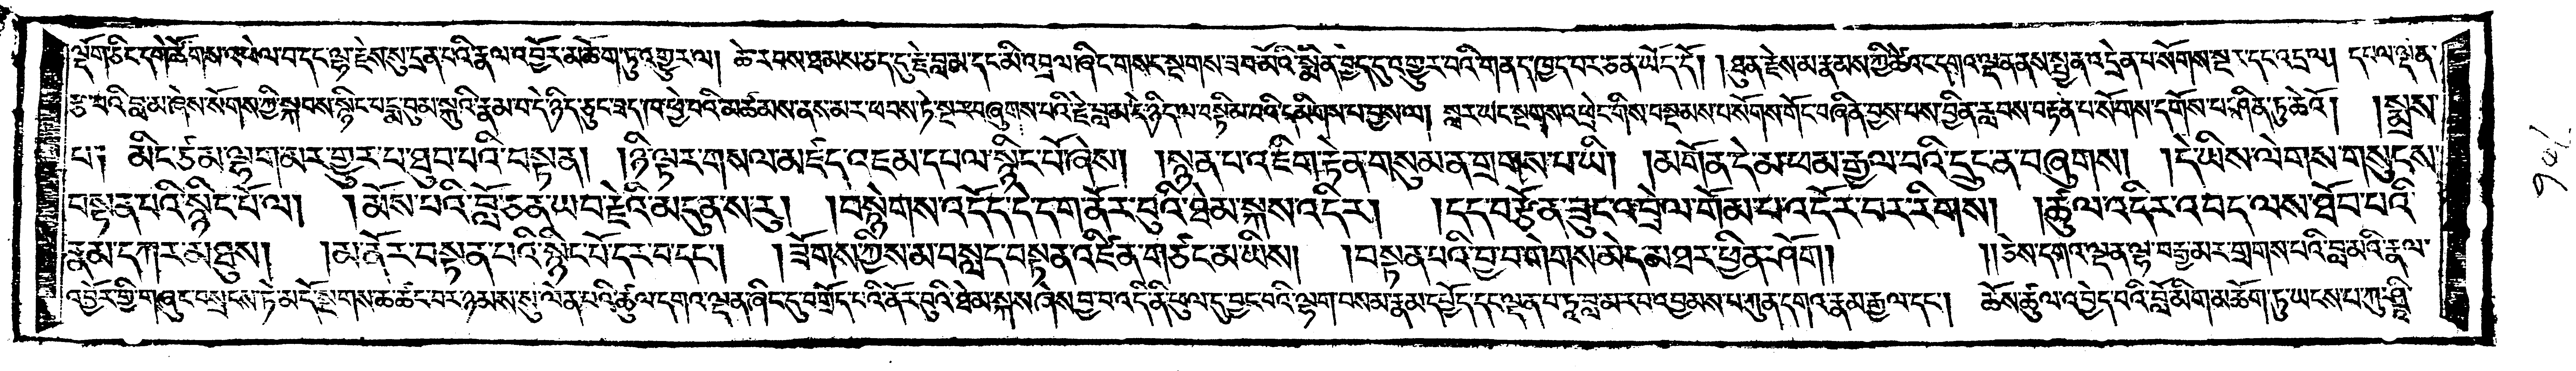ལྡོག་ཅིང་དགེ་ཚོགས་འཕེལ་བ་དང་ལྷ་རྗེས་སུ་དྲན་པའི་རྣལ་འབྱོར་མཆོག་ཏུ་འགྱུར་ལ། ཚེ་རབས་ཐམས་ཅད་དུ་རྗེ་བླ་མ་དང་མི་འབྲལ་ཞིང་གསང་སྔགས་ཟབ་མོའི་སྨིན་བྱེད་དུ་འགྱུར་བའི་གནད་ཁྱད་པར་ཅན་ཡོད་དོ། །ཐུན་རྗེས་མ་རྣམས་ཀྱི་ཚེའང་དགའ་ལྡན་ནས་སྤྱན་འདྲེན་པ་སོགས་སྔར་དང་འདྲལ། དཔལ་ལྡན་
རྩ་བའི་བླ་མ་ཞེས་སོགས་ཀྱི་སྐབས་སྙིང་པདམ་བུམ་སྐུའི་རྣམ་པ་དེ་ཉིད་ཅུང་ཟད་ཁ་ཕྱེ་བའི་མཚམས་ནས་མར་ཕབས་ཏེ་སྔར་བཞུགས་པའི་རྗེ་བླ་མ་དེ་ཉིད་ལ་བསྟིམ་པའི་དམིགས་པ་བྱས་ལ། སླར་ཡང་སྔགས་འཕྲེང་གིས་བསྔམས་པ་སོགས་གོང་བཞིན་བྱས་པས་བྱིན་རླབས་བརྟན་པ་སོགས་དགོས་པ་ཤིན་ཏུ་ཆེའོ། །སྨྲས་
པ༑ མིང་ཙམ་ལྷག་མར་གྱུར་པ་ཐུབ་པའི་བསྟན། །ཉི་ལྟར་གསལ་མཛད་འཇམ་དཔལ་སྙིང་པོ་ཞེས། །སྙན་པ་འཇིག་རྟེན་གསུམ་ན་གྲགས་པ་ཡི། །མགོན་དེ་མ་ཕམ་རྒྱལ་བའི་དྲུང་ན་བཞུགས། །དེ་ཡིས་ལེགས་གསུངས་
བསྟན་པའི་སྙིང་པོ་ལ། །མོས་པའི་བློ་ཅན་ཡབ་རྗེའི་མདུན་ས་རུ། །བསྙེགས་འདོད་དེ་དག་ནོར་བུའི་ཐེམ་སྐས་འདིར། །དད་བརྩོན་ཟུང་འབྲེལ་གོམ་པ་འདོར་བར་རིགས། །ཚུལ་འདིར་འབད་ལས་ཐོབ་པའི་
རྣམ་དཀར་མཐུས། །མ་ནོར་བསྟན་པའི་སྙིང་པོ་དར་བ་དང་། །ཟོགས་ཀྱི་ས་མ་བསླད་བསྟན་འཛིན་གཙང་མ་ཡིས། །བསྟན་པའི་བྱ་བ་གེགས་མེད་མཐར་ཕྱིན་ཤོག། །།ཅེས་དགའ་ལྡན་ལྷ་བརྒྱ་མར་གྲགས་པའི་བླ་མའི་རྣལ་
འབྱོར་གྱི་གཞུང་བསྲངས་ཏེ་མདོ་སྔགས་ཆ་ཚང་བར་ཉམས་སུ་ལེན་པའི་ཚུལ་དགའ་ལྡན་ཞིང་དུ་བགྲོད་པའི་ནོར་བུའི་ཐེམ་སྐས་ཞེས་བྱ་བ་འདི་ནི་ཕུལ་དུ་བྱང་བའི་ལྷག་བསམ་རྣམ་དཔྱོད་དང་ལྡན་པ་ཏཱ་བླ་མ་རབ་འབྱམས་པ་ཀུན་དགའ་རྣམ་རྒྱལ་དང་། ཆོས་ཚུལ་འབྱེད་པའི་བློ་མིག་མཆོག་ཏུ་ཡངས་པ་ཀུ་ཤྲཱི་